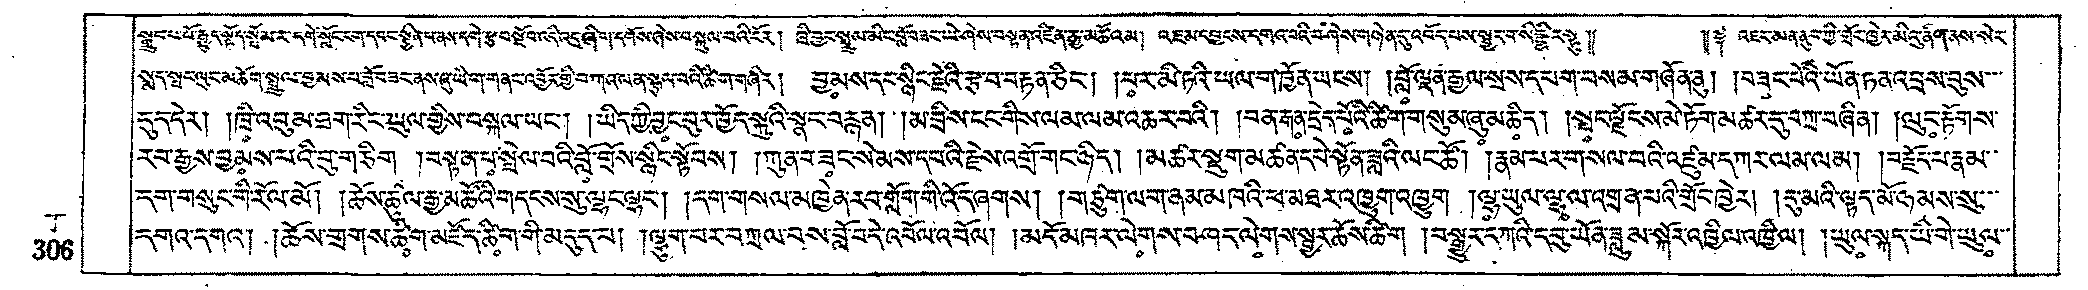སྒྲུབ་པ་པོ་རྒྱུད་སྟོད་སྤོམ་ར་དགེ་སློང་ངག་དབང་སྦྱིན་པ་ནས་དགེ་རྩ་བསྔོ་བ་འདི་འདྲ་ཞིག་དགོས་ཞེས་བསྐུལ་བའི་ངོར། ཁྲི་བྱང་སྤྲུལ་མིང་བློ་བཟང་ཡེ་ཤེས་བསྟན་འཛིན་རྒྱ་མཚོའམ། འཇམ་དབྱངས་དགའ་བའི་བཤེས་གཉེན་དུ་འབོད་པས་སྦྱར་བ་སིདྡྷིརྶྟུ།། །།འ་འཇར་མན་ནུབ་ཀྱི་གྲོང་ཁྱེར་མིའུ་ནི་གནས་སེར་
སྨད་སྤང་ལུང་མཆོག་སྤྲུལ་བྱམས་པ་བློ་བཟང་ནས་ཞུ་ཡིག་གནང་འབྱོར་གྱི་བཀའ་ལན་སྩལ་བའི་ཚིག་གཞིར། བྱམས྾་དང་སྙིང་རྗེའི་རྩ་བ་བརྟན་ཅིང་། །པ྾་ར་མི་ཏའི་ཡལ་ག་ཁྱོན་ཡངས། །བློ྾་ལྡན་རྒྱལ་སྲས་དཔག་བསམ་གཞོན་ནུ། །བཟང྾་པོའི་ཡོན་ཏན་འབྲས་བུས་་་
དུད་དེར། །ཁྲི྾་འབུམ་ཐག་རིང་ཡུལ་གྱིས་བསྐལ་ཡང་། །ཡིད་ཀྱི་བྱང྾་བུར་ཁྱོད་སྐུའི་སྣང་བརྙན། །མ་བྲིས་ངང་གིས་ལམ་ལམ་འཆར་བའི། །བན་རྒན྾་དྲེད་པོའི྾་ཚིག་གསུམ་ཞུ྾་མཆིད྾། །སྤང྾་ལྗོངས་མེ་ཏོག་མཚར་དུ་བཀྲ་བཞིན། །ལུང྾་རྟོགས་
རབ་རྒྱས་བྱམས྾་པའི་བུ་གཅིག །བསྟན་པ྾་སྤེལ་བའི་བློ྾་གྲོས་སྙིང་སྟོབས། །ཀུན་བཟང྾་སེམས་དཔའི་རྗེས་འགྲོ་གང་ཉིད། །མཚར་སྡུག་མཚན་དཔེ་སྟོན་ཟླའི་ལང་ཚོ། །རྣམ་པར་གསལ་བའི་འཛུམ་དཀར་ལམ་ལམ། །བརྗོད་པ་རྣམ་་་
དག་གསུང་གི་རོལ་མོ། །ཆོས་ཚུལ་རྒྱ་མཚོའི་གདངས་སུ་ལྷང་ལྷང་། །དག་གསལ་མཁྱེན་རབ་གློག་གི་འོད་ཞགས། །གཙུག་ལག་ནམ་མཁའི་ཕ་མཐར་འཁྱུག་འཁྱུག །ལྷ྾་ཡུལ་ལྷ྾་ལ་འགྲན་པའི་གྲོང་ཁྱེར། །དུ་མའི་ལྟད་མོ་ཉམས་སུ་་་
དགའ་དགའ། །ཆོས་གྲགས་ཚིག྾་མཛོད་ཚིག྾་གི་མདུད་པ། །ལྷུག་པར་བཀྲལ་བས་བློ་བདེ་འབོལ་འབོལ། །མདོ་མཁར་ལེགས྾་བཤད་ལེགས྾་སྦྱར་ཆོས་ཚིག །བསྒྱུར་དཀའི་དབུ་ཡོན་ཟླུམ་སྐོར་འཁྱིལ་འཁྱིལ། །ཡུལ྾་སྐད་ཡི་གེ་ཡུལ྾་་་